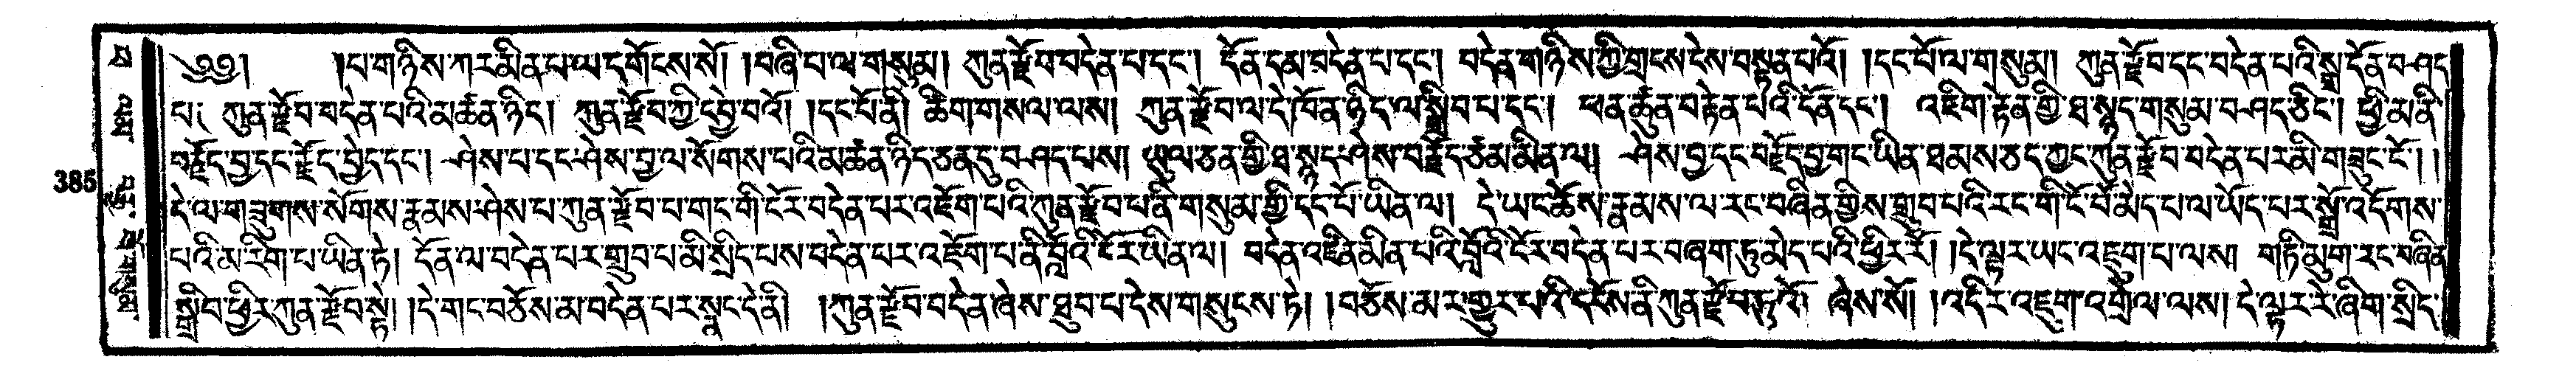༄༅། །པ་གཉིས་ཀར་མིན་པ་ལ་དགོངས་སོ། །བཞི་པ་ལ་གསུམ། ཀུན་རྫོབ་བདེན་པ་དང་། དོན་དམ་བདེན་པ་དང་། བདེན་གཉིས་ཀྱི་གྲངས་ངེས་བསྟན་པའོ། །དང་པོ་ལ་གསུམ། ཀུན་རྫོབ་དང་བདེན་པའི་སྒྲ་དོན་བཤད་
པ༑ ཀུན་རྫོབ་བདེན་པའི་མཚན་ཉིད། ཀུན་རྫོབ་ཀྱི་དབྱེ་བའོ། །དང་པོ་ནི། ཚིག་གསལ་ལས། ཀུན་རྫོབ་ལ་དེ་ཁོ་ན་ཉིད་ལ་སྒྲིབ་པ་དང་། ཕན་ཚུན་བརྟེན་པའི་དོན་དང་། འཇིག་རྟེན་གྱི་ཐ་སྙད་གསུམ་བཤད་ཅིང་། ཕྱི་མ་ནི་
བརྗོད་བྱ་དང་རྗོད་བྱེད་དང་། ཤེས་པ་དང་ཤེས་བྱ་ལ་སོགས་པའི་མཚན་ཉིད་ཅན་དུ་བཤད་པས། ཡུལ་ཅན་གྱི་ཐ་སྙད་ཤེས་བརྗོད་ཙམ་མིན་ལ། ཤེས་བྱ་དང་བརྗོད་བྱ་གང་ཡིན་ཐམས་ཅད་ཀྱང་ཀུན་རྫོབ་བདེན་པར་མི་གཟུང་ངོ།།
དེ་ལ་གཟུགས་སོགས་རྣམས་ཤེས་པ་ཀུན་རྫོབ་པ་གང་གི་ངོར་བདེན་པར་འཇོག་པའི་ཀུན་རྫོབ་པ་ནི་གསུམ་གྱི་དང་པོ་ཡིན་ལ། དེ་ཡང་ཆོས་རྣམས་ལ་རང་བཞིན་གྱིས་གྲུབ་པའི་རང་གི་ངོ་བོ་མེད་པ་ལ་ཡོད་པར་སྒྲོ་འདོགས་
པའི་མ་རིགས་པ་ཡིན་ཏེ། དོན་ལ་བདེན་པར་གྲུབ་པ་མི་སྲིད་པས་བདེན་པར་འཇོག་པ་ནི་བློའི་ངོར་ཡིན་ལ། བདེན་འཛིན་མིན་པའི་བློའི་ངོར་བདེན་པར་བཞག་ཏུ་མེད་པའི་ཕྱིར་རོ། །དེ་ལྟར་ཡང་འཇུག་པ་ལས། གཏི་མུག་རང་བཞིན་
སྒྲིབ་ཕྱིར་ཀུན་རྫོབ་སྟེ། །དེ་གང་བཅོས་མ་བདེན་པར་སྣང་དེ་ནི། །ཀུན་རྫོབ་བདེན་ཞེས་ཐུབ་པ་དེས་གསུངས་ཏེ། །བཅོས་མར་གྱུར་པའི་དངོས་ནི་ཀུན་རྫོབ་ཏུའོ། །ཞེས་སོ། །འདིར་འཇུག་འགྲེལ་ལ། དེ་ལྟར་རེ་ཞིག་སྲིད་